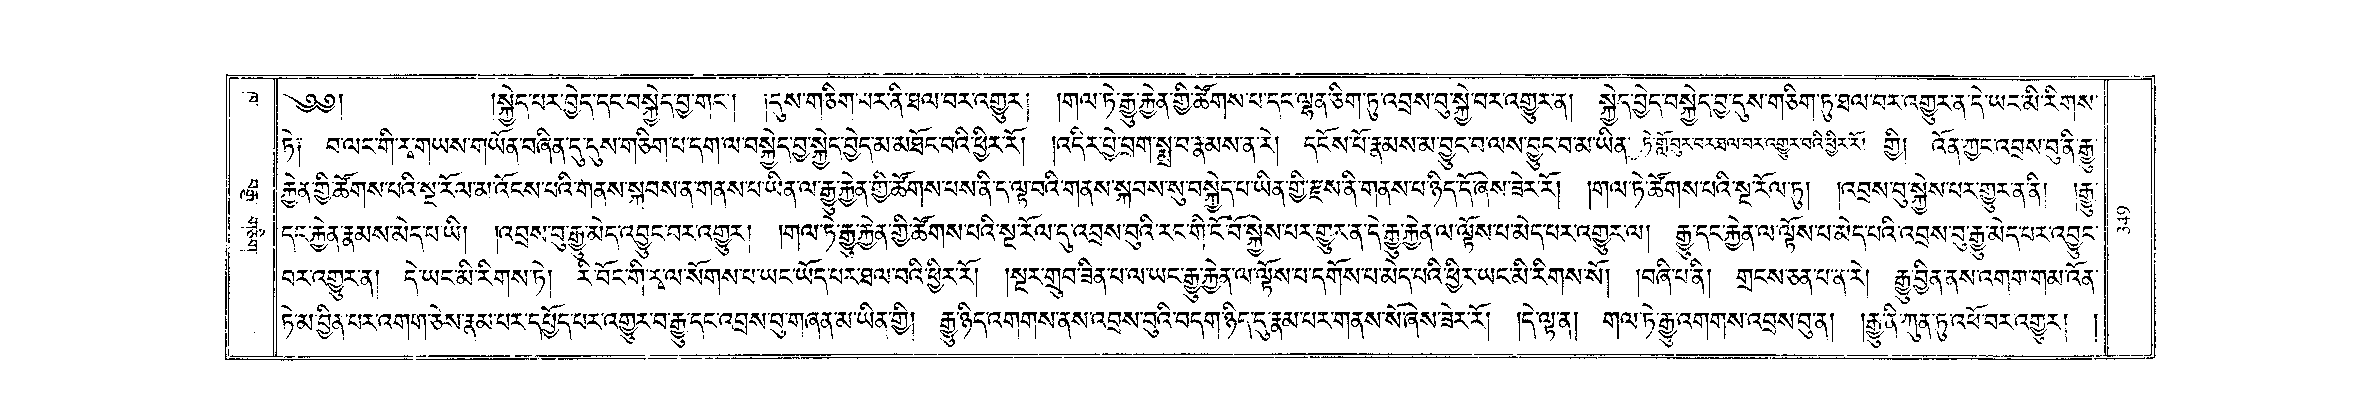༄༅། །སྐྱེད་པར་བྱེད་དང་བསྐྱེད་བྱ་གང་། །དུས་གཅིག་པར་ནི་ཐལ་བར་འགྱུར། །གལ་ཏེ་རྒྱུ་རྐྱེན་གྱི་ཚོགས་པ་དང་ལྷན་ཅིག་ཏུ་འབྲས་བུ་སྐྱེ་བར་འགྱུར་ན། སྐྱེད་བྱེད་བསྐྱེད་བྱ་དུས་གཅིག་ཏུ་ཐལ་བར་འགྱུར་ན་དེ་ཡང་མི་རིགས་
ཏེ༑ བ་ལང་གི་རྭ་གཡས་གཡོན་བཞིན་དུ་དུས་གཅིག་པ་དག་ལ་བསྐྱེད་བྱ་སྐྱེད་བྱེད་མ་མཐོང་བའི་ཕྱིར་རོ། །འདིར་བྱེ་བྲག་སྨྲ་བ་རྣམས་ན་རེ། དངོས་པོ་རྣམས་མ་བྱུང་བ་ལས་བྱུང་བ་མ་ཡིན་ཏེ་གློ་བུར་བར་ཐལ་བར་འགྱུར་བའི་ཕྱིར་རོ།  གྱི། འོན་ཀྱང་འབྲས་བུ་ནི་རྒྱུ་
རྐྱེན་གྱི་ཚོགས་པའི་སྔ་རོལ་མ་འོངས་པའི་གནས་སྐབས་ན་གནས་པ་ཡིན་ལ་རྒྱུ་རྐྱེན་གྱི་ཚོགས་པས་ནི་ད་ལྟ་བའི་གནས་སྐབས་སུ་བསྐྱེད་པ་ཡིན་གྱི་རྫས་ནི་གནས་པ་ཉིད་དོ་ཞེས་ཟེར་རོ། །གལ་ཏེ་ཚོགས་པའི་སྔ་རོལ་ཏུ། །འབྲས་བུ་སྐྱེས་པར་གྱུར་ན་ནི། །རྒྱུ་
དང་རྐྱེན་རྣམས་མེད་པ་ཡི། །འབྲས་བུ་རྒྱུ་མེད་འབྱུང་བར་འགྱུར། །གལ་ཏེ་རྒྱུ་རྐྱེན་གྱི་ཚོགས་པའི་སྔ་རོལ་དུ་འབྲས་བུའི་རང་གི་ངོ་བོ་སྐྱེས་པར་གྱུར་ན་དེ་རྒྱུ་རྐྱེན་ལ་ལྟོས་པ་མེད་པར་འགྱུར་ལ། རྒྱུ་དང་རྐྱེན་ལ་ལྟོས་པ་མེད་པའི་འབྲས་བུ་རྒྱུ་མེད་པར་འབྱུང་
བར་འགྱུར་ན། དེ་ཡང་མི་རིགས་ཏེ། རི་བོང་གི་རྭ་ལ་སོགས་པ་ཡང་ཡོད་པར་ཐལ་བའི་ཕྱིར་རོ། །སྔར་གྲུབ་ཟིན་པ་ལ་ཡང་རྒྱུ་རྐྱེན་ལ་ལྟོས་པ་དགོས་པ་མེད་པའི་ཕྱིར་ཡང་མི་རིགས་སོ། །བཞི་པ་ནི། གྲངས་ཅན་པ་ན་རེ། རྒྱུ་བྱིན་ནས་འགག་གམ་འོན་
ཏེ་མ་བྱིན་པར་འགག་ཅེས་རྣམ་པར་དཔྱོད་པར་འགྱུར་བ་རྒྱུ་དང་འབྲས་བུ་གཞན་མ་ཡིན་གྱི། རྒྱུ་ཉིད་འགགས་ནས་འབྲས་བུའི་བདག་ཉིད་དུ་རྣམ་པར་གནས་སོ་ཞེས་ཟེར་རོ། །དེ་ལྟ་ན། གལ་ཏེ་རྒྱུ་འགགས་འབྲས་བུ་ན། །རྒྱུ་ནི་ཀུན་ཏུ་འཕོ་བར་འགྱུར། །